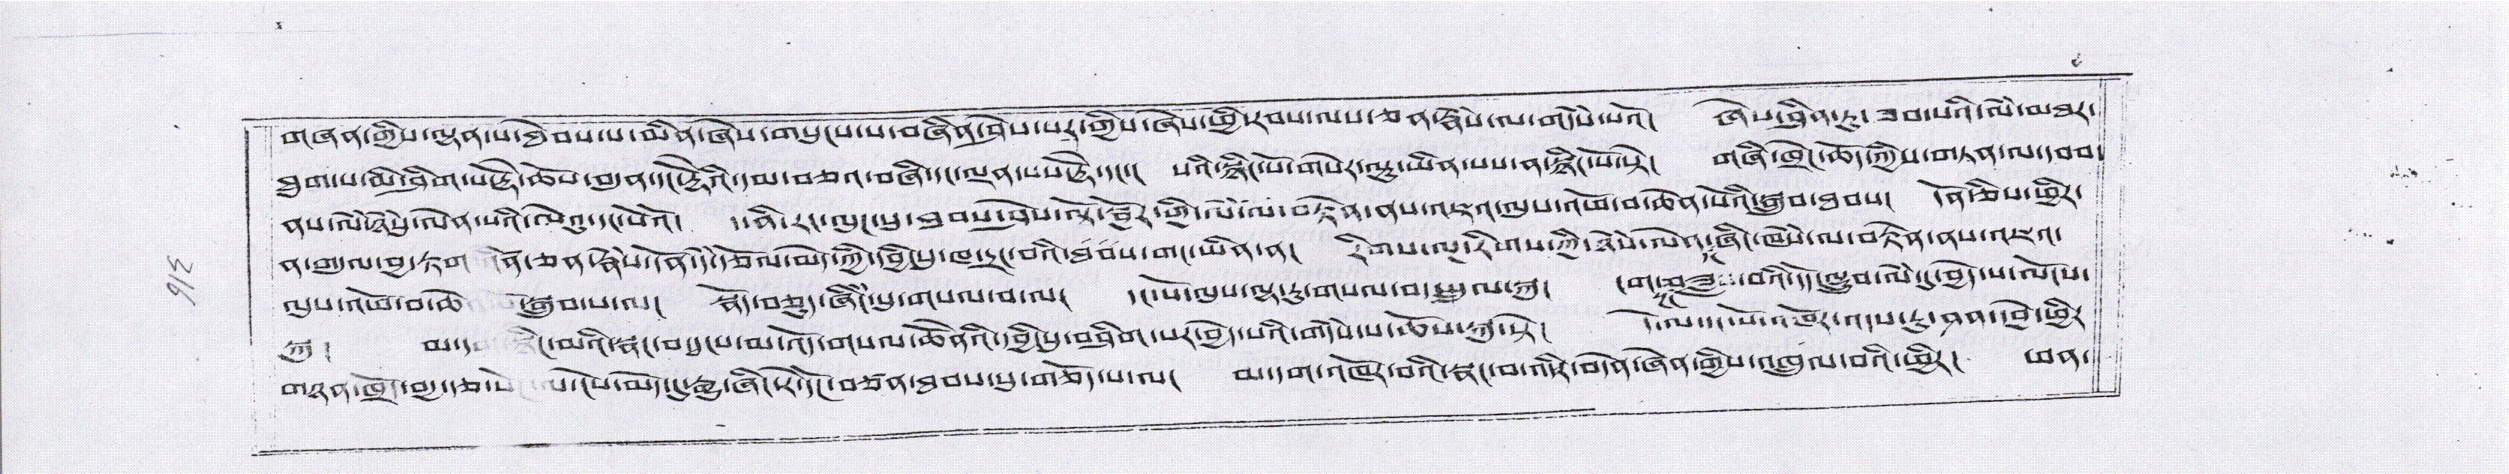གཞན་གྱིས་ལྷན་པ་ཐེབས་པ་མིན་ཞེས་གསུངས་པ་བཞིན་ཤེས་པར་གྱིས་ཞེས་ཕྱི་རབས་ལས་ཅན་རྣམས་ལ་གདམས་པའོ། ཞེས་ཤིན་ཏུ་ཟབ་པའི་ལམ་མཐར་
ཐུག་པ་མི་ཤིག་པ་རྡོ་རྗེ་ཆོས་བདུན་དང་རྡོ་རྗེའི་དམ་བཅའ་བཞི་དང་ལྡན་པས་རྡོ་རྗེ་དང། སའི་སྙིང་པོ་གསེར་ལྟ་བུ་ཡིན་པས་ན་སྙིང་པོ་སྟེ། གཞི་ཁྲེགས་ཆོད་ཀྱིས་གཏན་ལ་དབབ་
ནས་ལམ་ཉམས་སུ་ལེན་པའི་ལེའུ་དང་པོའོ། ད་ནི་རང་ལུགས་སུ་ཐབས་ཤེས་ལྟོ་སྦྱོར་གྱི་ལམ་ལ་བརྟེན་ནས་འཇའ་ལུས་འཕོ་བ་ཆེན་པོའི་སྒྲུབ་ཐབས། དོན་ཅིས་ཕྱིར་
ན་གདུལ་བྱ་རྟག་འཛིན་ཅན་རྣམས་དོན་དམ་རྩོལ་མེད་ཀྱི་དབྱིངས་སུ་ཁ་དྲང་བའི་ཐབས་གང་ཡིན་ན། རིགས་ལྔ་རིགས་ཀྱི་ཉམས་ལེན་དང་ཞིང་ཁམས་ལ་བརྟེན་ནས་འཇའ་
ལུས་འཕོ་བ་ཆེན་པོ་སྒྲུབ་པ་ལ། སྣོད་བཅུད་ཞིང་ཁམས་སུ་གསལ་བ་ལ། དང་པོ་ལུས་ལྷ་རུ་གསལ་བ་སྤྲུལ་སྐུ། ངག་སྔགས་བཟླས་པའི་དོད་ལྷུན་གྲུབ་ལམ་དུ་བྱེད་པ་ལོངས་
སྐུ། མ་དག་སྙིགས་མའི་སྣང་བ་དྭངས་མ་འོད་གསལ་ཆེན་པོའི་དབྱིངས་སུ་བཤིག་པར་བྱེད་པའི་གདམས་པ་ཆོས་སྐུ་སྟེ། དེ་ལ་དང་པོ་འཁོར་འདས་རུ་ཤན་དབྱེ་ཕྱིར་
གཉན་ཁྲོད་བརྒྱ་རྩ་སོགས་ལ་ངེས་མེད་དུ་རྒྱུ་ཞིང་རེ་དོགས་བཙན་ཐབས་སུ་གཅོད་པ་ལ། མ་དག་འཁོར་བའི་སྣང་བ་འདིར་བདེན་ཞེན་གྱིས་འཁྲུལ་བའི་ཕྱིར། ཕན་